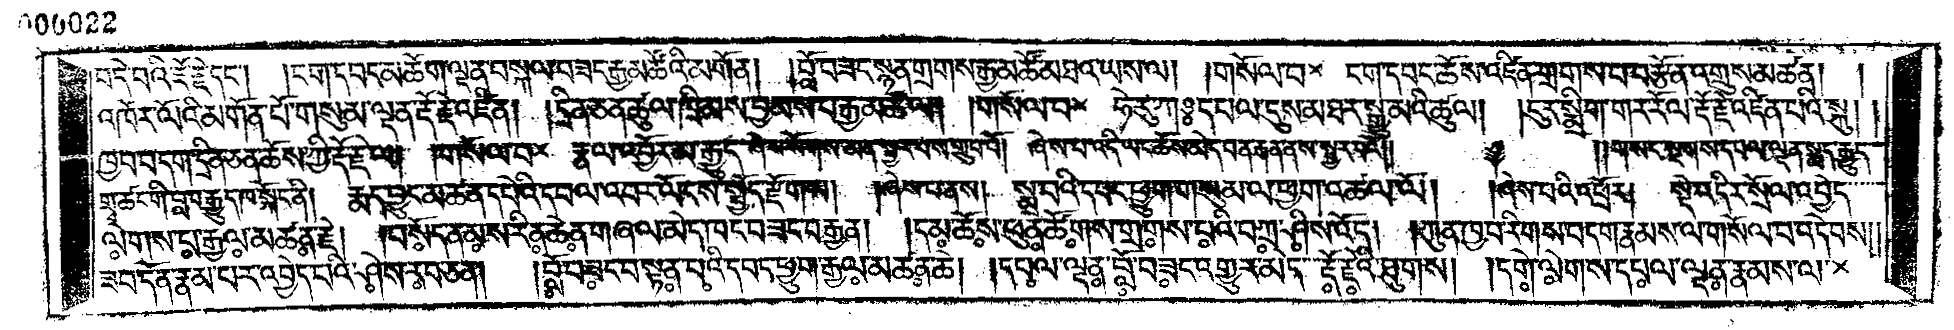བདེ་བའི་རྡོ་རྗེ་དང་། །ངག་དབང་མཆོག་ལྡན་བསྐལ་བཟང་རྒྱ་མཚོའི་མགོན། །བློ་བཟང་སྙན་གྲགས་རྒྱ་མཚོ་མཐའ་ཡས་ལ། །གསོལ་བ་྾་ངག་དབང་ཆོས་འཛིན་གྲགས་པ་བརྩོན་འགྲུས་མཚན། །
འཁོར་ལོའི་མགོན་པོ་གསུམ་ལྡན་རྡོ་རྗེ་འཛིན། །དྲིན་ཅན་ཚུལ་ཁྲིམས་བྱམས་པ་རྒྱ་མཚོ་ལ། །གསོལ་བ་྾་ཧེ་རུ་ཀཿ དཔལ་དུས་མཐར་སྒྱུ་མའི་ཚུལ། །ངུར་སྨྲིག་གར་རོལ་རྡོ་རྗེ་འཛིན་པའི་སྐུ། །
ཁྱབ་བདག་དྲིན་ཅན་ཆོས་ཀྱི་རྡོ་རྗེ་ལ། །གསོལ་བ་྾་རྣལ་འབྱོར་མ་རྒྱུད་ཞེས་སོགས་མན་སྦྱར་བས་གྲུབ་བོ། ཞེས་པ་འདི་ཡང་ཆོས་མེད་བན་རྒན་ནས་སྦྱར་བའོ།། ༈ །།གསང་སྔགས་དཔལ་ལྡན་སྨད་རྒྱུད་
གྲྭ་ཚང་གི་བླ་བརྒྱུད་ཁ་སྐོང་ནི། རྨད་བྱུང་མཚན་དཔེའི་དཔལ་འབར་ལོངས་སྤྱོད་རྫོགས། །ཞེས་པ་ནས།  སྨྲ་བའི་དབང་ཕྱུག་གསུམ་ལ་ཕྱག་འཚལ་ལོ། །ཞེས་པའི་འཕྲོར།  སྡེ་འདིར་སྲོལ་འབྱེད་
ལེགས྾་པ྾་རྒྱལ྾་མཚན྾་རྗེ། །བསོད྾་ནམས྾་རིན྾་ཆེན྾་གཞལ་མེད་ཁང་བཟང་བརྒྱན། །དམ྾་ཆོས྾་ཕུན྾་ཚོགས྾་གྲགས྾་པའི྾་བཀྲ྾་ཤིས྾་འོད། །ཀུན་ཁྱབ་རིགས་བདག་རྣམས་ལ་གསོལ་བ་འདེབས།།
ཟབ་དོན་རྣམ་པར་འབྱེད་པའི་ཤེས྾་རབ྾་ཅན། །བློ྾་བཟང྾་བསྟན྾་པའི྾་དབང་ཕྱུག་རྒྱལ྾་མཚན྾་ཆེ། །དཔལ྾་ལྡན྾་བློ྾་བཟང྾་འགྱུར་མེད་རྡོ྾་རྗེའི྾་ཐུགས། །དགེ྾་ལེགས྾་དཔལ྾་ལྡན྾་རྣམས་ལ་྾་